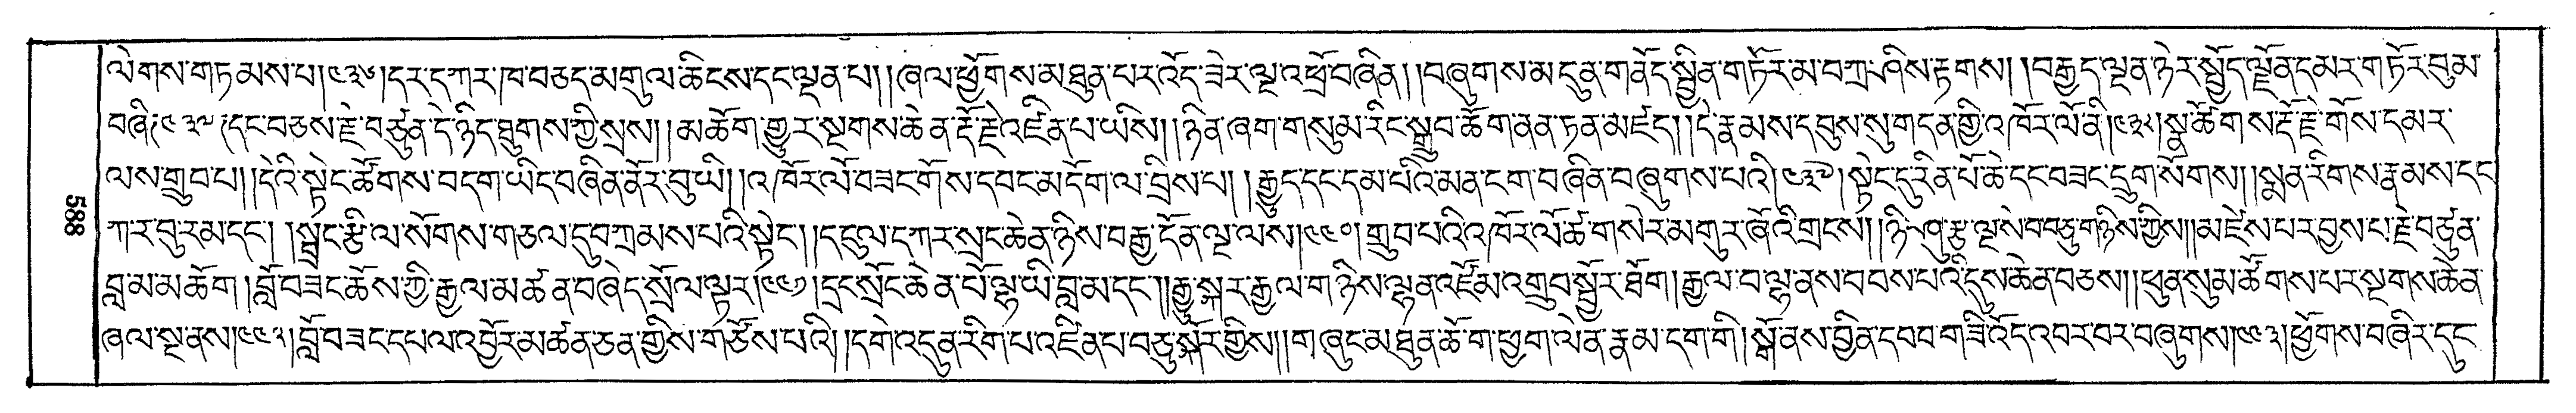ལེགས་གཏམས་པ། ༤༣༦་།དར་དཀར་ཁ་བཅང་མགུལ་ཆིངས་དང་ལྡན་པ། །ཞལ་ཕྱོགས་མཐུན་པར་འོད་ཟེར་ལྔ་འཕྲོ་བཞིན། །བཞུགས་མདུན་གནོད་སྦྱིན་གཏོར་མ་བཀྲ་ཤིས་རྟགས། །བརྒྱད་ལྡན་ཉེར་སྤྱོད་ལྗོན་དམར་གཏེར་བུམ་
བཞི༑ ༤༣༧་།དང་བཅས་རྗེ་བཙུན་དེ་ཉིད་ཐུགས་ཀྱི་སྲས། །མཆོག་གྱུར་སྔགས་ཆེན་རྡོ་རྗེ་འཛིན་པ་ཡིས། །ཉིན་ཞག་གསུམ་རིང་སྒྲུབ་ཆོག་ནན་ཏན་མཛད། །དེ་རྣམས་དབུས་སུ་གདན་གྱི་འཁོར་ལོ་ནི། ༤༣༨་།སྣ་ཚོགས་རྡོ་རྗེ་གོས་དམར་
ལས་གྲུབ་པ། །དེའི་སྟེང་ཚོགས་བདག་ཡིད་བཞིན་ནོར་བུ་ཡི། །འཁོར་ལོ་བཟང་གོས་དབང་མདོག་ལ་བྲིས་པ། །རྒྱུད་དང་དམ་པའི་མན་ངག་བཞིན་བཞུགས་པའི། ༤༣༧་།སྟེང་དུ་རིན་པོ་ཆེ་དང་བཟང་དྲུག་སོགས། །སྨན་རིགས་རྣམས་དང་
ཀ་ར་བུ་རམ་དང་། །སྦྲང་རྩི་ལ་སོགས་གཅལ་དུ་བཀྲམས་པའི་སྟེང་། །དངུལ་དཀར་སྲང་ཆེན་ཉིས་བརྒྱ་དོན་ལྔ་ལས། ༤༤༠་།གྲུབ་པའི་འཁོར་ལོ་ཚ་གསེར་མགུར་ཞོའི་གྲངས། །ཉི་ཤུ་རྩ་ལྔ་སེ་བ་བཅུ་གཉིས་ཀྱིས། །མཛེས་པར་བྱས་པ་རྗེ་བཙུན་
བླ་མ་མཆོག། །བློ་བཟང་ཆོས་ཀྱི་རྒྱལ་མཚན་བཞེད་སྲོལ་ལྟར། ༤༤༡་།དྲང་སྲོང་ཆེན་པོ་ལྷ་ཡི་བླ་མ་དང་། །རྒྱུ་སྐར་རྒྱལ་གཉིས་ལྷན་འཛོམ་འགྲུབ་སྦྱོར་ཐོག །རྒྱལ་བ་ལྷ་ནས་བབས་པའི་དུས་ཆེན་བཅས། །ཕུན་སུམ་ཚོགས་པར་སྔགས་ཆེན་
ཞལ་སྔ་ནས། ༤༤༢་།བློ་བཟང་དཔལ་འབྱོར་མཚན་ཅན་གྱིས་གཙོས་པའི། །དགེ་འདུན་རིག་པ་འཛིན་པ་བཅུ་སྐོར་གྱིས། །གཞུང་མཐུན་ཆོག་ཕྱག་ལེན་རྣམ་དག་གི། །སྒོ་ནས་བྱིན་དབབ་གཟི་འོད་འབར་བར་བཞུགས། ༤༤༣་།ཕྱོགས་བཞིར་དུང་